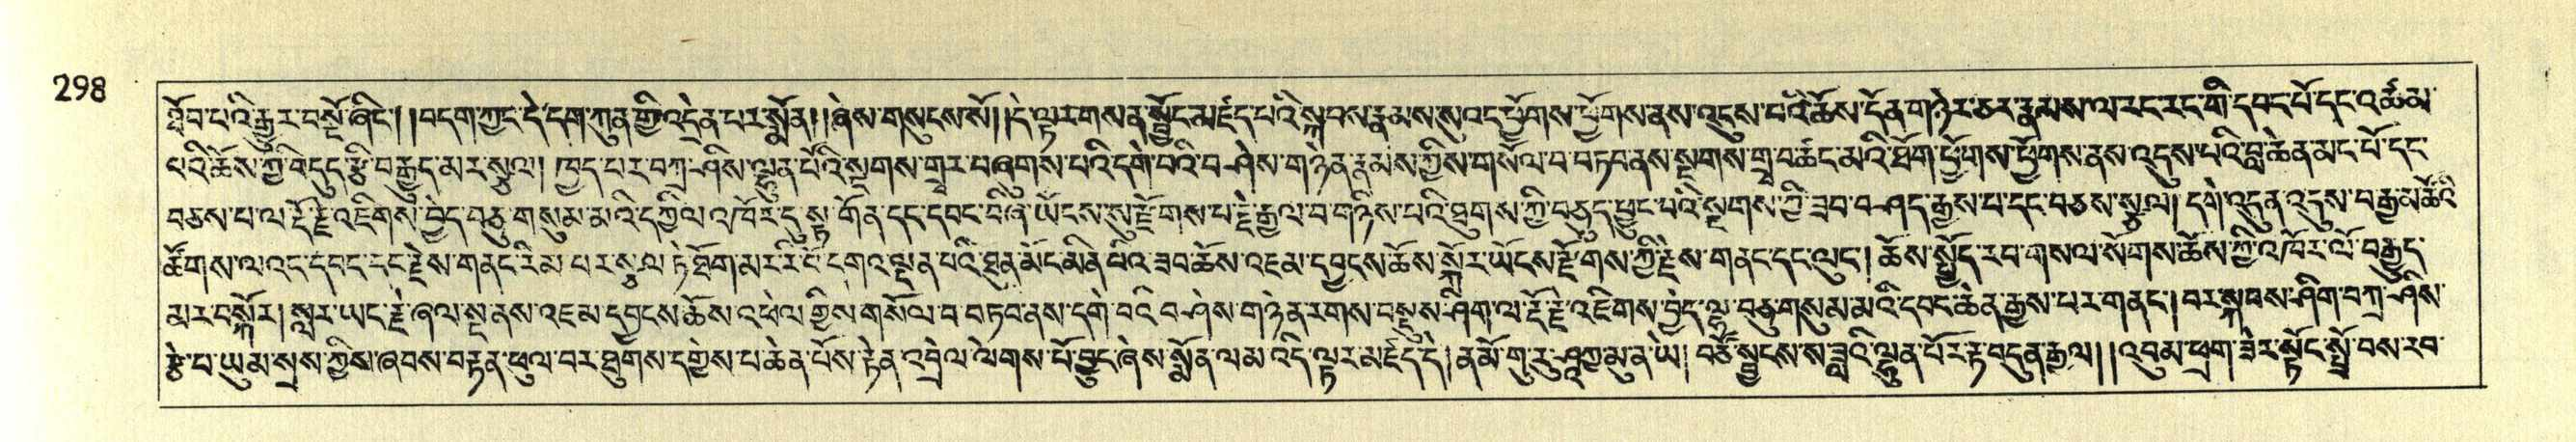ཐོབ་པའི་རྒྱུར་བསྔོ་ཞིང་། །བདག་ཀྱང་དེ་དག་ཀུན་གྱི་འདྲེན་པར་སྨོན། །ཞེས་གསུངས་སོ། །དེ་ལྟར་གསན་སྦྱོང་མཛད་པའི་སྐབས་རྣམས་སུའང་ཕྱོགས་ཕྱོགས་ནས་འདུས་པའི་ཆོས་དོན་གཉེར་ཅར་རྣམས་ལ་རང་རང་གི་དབང་པོ་དང་འཚམ་
པའི་ཆོས་ཀྱི་བདུད་རྩི་བརྒྱུད་མར་སྩལ། ཁྱད་པར་བཀྲ་ཤིས་ལྷུན་པོའི་སྔགས་གྲྭར་བཞུགས་པའི་དགེ་བའི་བཤེས་གཉེན་རྣམས་ཀྱིས་གསོལ་བ་བཏབ་ནས་སྔགས་གྲྭ་བ་ཚང་མའི་ཐོག་ཕྱོགས་ཕྱོགས་ནས་འདུས་པའི་བླ་ཆེན་མང་པོ་དང་
བཅས་པ་ལ་རྡོ་རྗེ་འཇིགས་བྱེད་བཅུ་གསུམ་མའི་དཀྱིལ་འཁོར་དུ་སྟ་གོན་དང་དབང་བཞི་ཡོངས་སུ་རྫོགས་པ་རྗེ་རྒྱལ་བ་གཉིས་པའི་ཐུགས་ཀྱི་བཅུད་ཕྱུང་པའི་སྔགས་ཀྱི་ཟབ་བཤད་རྒྱས་པ་དང་བཅས་སྩལ། དགེ་འདུན་འདུས་བརྒྱ་མཚོའི་
ཚོགས་ལའང་དབང་དང་རྗེས་གནང་རིམ་པར་སྩལ་ཏེ་ཐོག་མར་རི་པོ་དགའ་ལྡན་པའི་ཐུན་མོང་མིན་པའི་ཟབ་ཆོས་འཇམ་དབྱངས་ཆོས་སྐོར་ཡོངས་རྫོགས་ཀྱི་རྗེས་གནང་དང་ལུང་། ཆོས་སྤྱོད་རབ་གསལ་སོགས་ཆོས་ཀྱི་འཁོར་ལོ་བརྒྱུད་
མར་བསྐོར། སླར་ཡང་རྗེ་ཞལ་སྔ་ནས་འཇམ་དབྱངས་ཆོས་འཕེལ་གྱིས་གསོལ་བ་བཏབ་ནས་དགེ་བའི་བཤེས་གཉེན་རགས་བསྡུས་ཤིག་ལ་རྡོ་རྗེ་འཇིགས་བྱེད་ལྷ་བཅུ་གསུམ་མའི་དབང་ཆེན་རྒྱས་པར་གནང་། བར་སྐབས་ཤིག་བཀྲ་ཤིས་
རྩེ་པ་ཡུམ་སྲས་ཀྱིས་ཞབས་བརྟན་ཕུལ་བར་ཐུགས་དགྱེས་པ་ཆེན་པོས་རྟེན་འབྲེལ་ལེགས་པོ་བྱུང་ཞེས་སྨོན་ལམ་འདི་ལྟར་མཛད་དེ། ན་མོ་གུ་རུ་ཤཱཀྱ་མུ་ན་ཡེ། བཙོ་སྦྱངས་ས་ཟླའི་ལྷུན་པོར་རྟ་བདུན་རྒྱལ། །འབུམ་ཕྲག་ཟེར་སྟོང་སྤྲོ་བས་རབ་